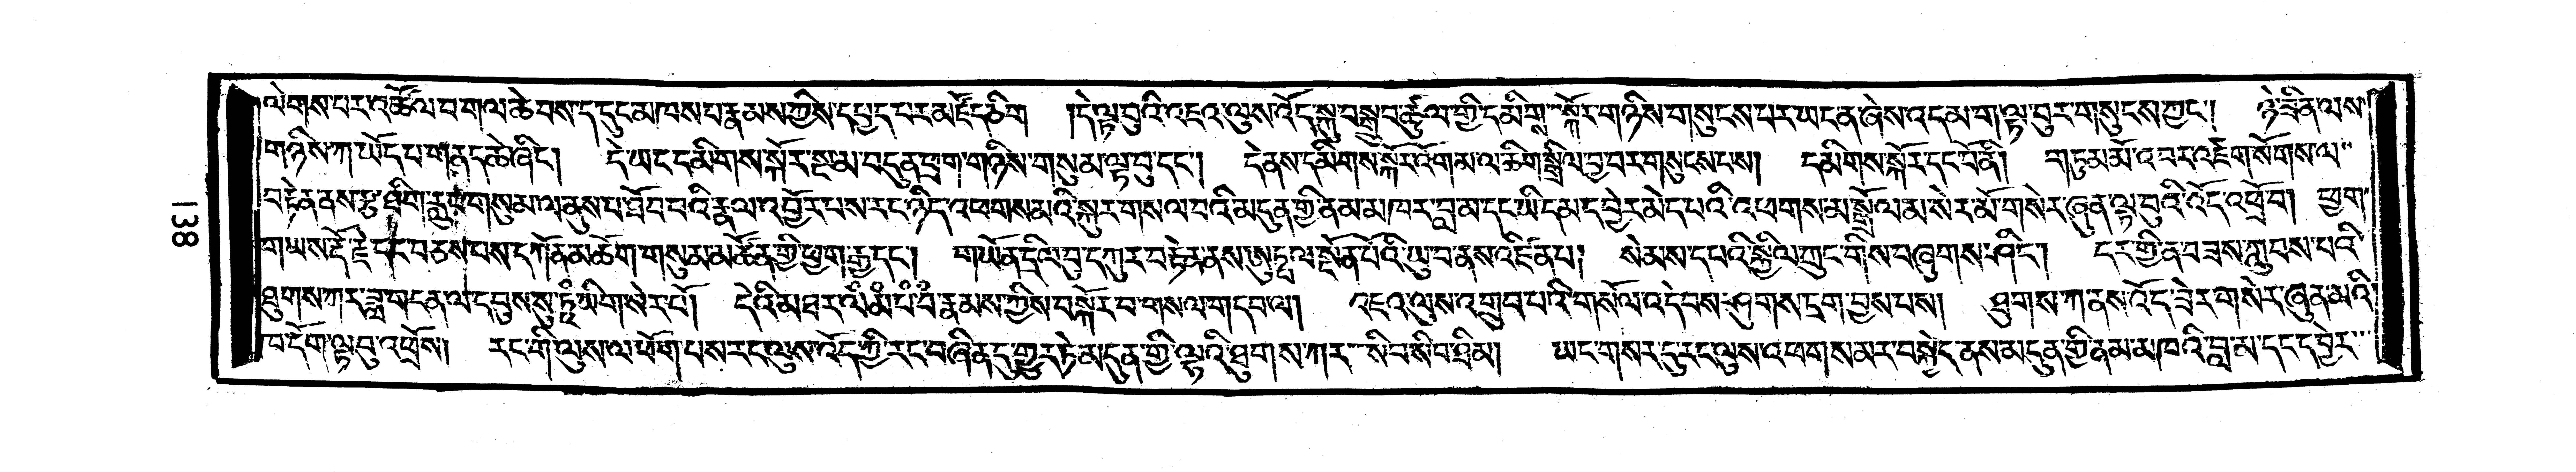ལེགས་པར་འཚོལ་བ་གལ་ཆེ་བས་ད་དུང་མཁས་པ་རྣམས་ཀྱིས་དཔྱད་པར་མཛོད་ཅིག །དེ་ལྟ་བུའི་འཇའ་ལུས་འོད་སྐུ་བསྒྲུབ་ཚུལ་གྱི་དམིགས་སྐོར་གཉིས་གསུངས་པར་ཡང་ན་ཞེས་འདམ་ག་ལྟ་བུར་གསུངས་ཀྱང་། ཉེ་ཟིན་ལས་
གཉིས་ཀ་ཡོད་པ་གནད་ཆེ་ཞིང་། དེ་ཡང་དམིགས་སྐོར་སྔ་མ་འབུམ་ཕྲག་གཉིས་གསུམ་ལྟ་བུ་དང་། དེ་ནས་དམིགས་སྐོར་འོག་མ་ལ་ཚིག་དྲིལ་བྱ་བར་གསུངས་པས། དམིགས་སྐོར་དང་པོ་ནི། གཏུམ་མོ་འབར་འཛག་སོག་ལ་
བརྟེན་ནས་རྩ་ཐིག་རླུང་གསུམ་ལ་ནུས་པ་ཐོབ་པའི་རྣལ་འབྱོར་པས་རྣག་ཉིད་འཕགས་མའི་སྐུར་གསལ་བའི་མདུན་གྱི་ནམ་མཁར་བླ་མ་དང་ཡི་དམ་དབྱེར་མེད་པའི་འཕགས་མ་སྒྲོལ་མ་སེར་མོ་གསེར་ཞུན་མ་ལྟ་བུའི་འོད་འཕྲོ་བ། ཕྱག་
གཡས་རྡོ་རྗེ་དང་བཅས་པས་དཀོན་མཆོག་གསུམ་མཚོན་གྱི་ཕྱག་རྒྱ་དང་། གཡོན་དྲིལ་བུ་དཀུར་བརྟེན་ནས་ཨུཏྤ་ལ་སྔོན་པོའི་ཡུ་བ་ནས་འཛིན་པ། སེམས་དཔའི་སྐྱིལ་ཀྲུང་གིས་བཞུགས་ཤིང་། དར་གྱི་ན་བཟས་ཀླུབས་པའི་
ཐུགས་ཀར་ཟླ་གདན་ལ་དབུས་སུ་ཏཱཾ་ཡིག་སེར་པོ། དེའི་མཐར་ལཾ་མཱཾ་པཾ་བཾ་རྣམས་ཀྱིས་བསྐོར་བ་གསལ་གདབ་ལ། འཇའ་ལུས་འགྲུབ་པའི་གསོལ་འདེབས་ཤུགས་དྲག་བྱས་པས། ཐུགས་ཀ་ནས་འོད་ཟེར་གསེར་ཞུན་མའི་
ཁ་དོག་ལྟ་བུ་འཕྲོས། རང་གི་ལུས་ལ་ཕོག་པས་རང་ལུས་འོད་ཀྱི་རང་བཞིན་དུ་གྱུར་ཏེ་མདུན་གྱི་ལྷའི་ཐུགས་ཀར་སིབ་སིབ་ཐིམ། ཡང་གསར་དུ་རང་ལུས་འཕགས་མར་བསྐྱེད་ནས་མདུན་གྱི་ནམ་མཁའི་བླ་མ་དང་དབྱེར་